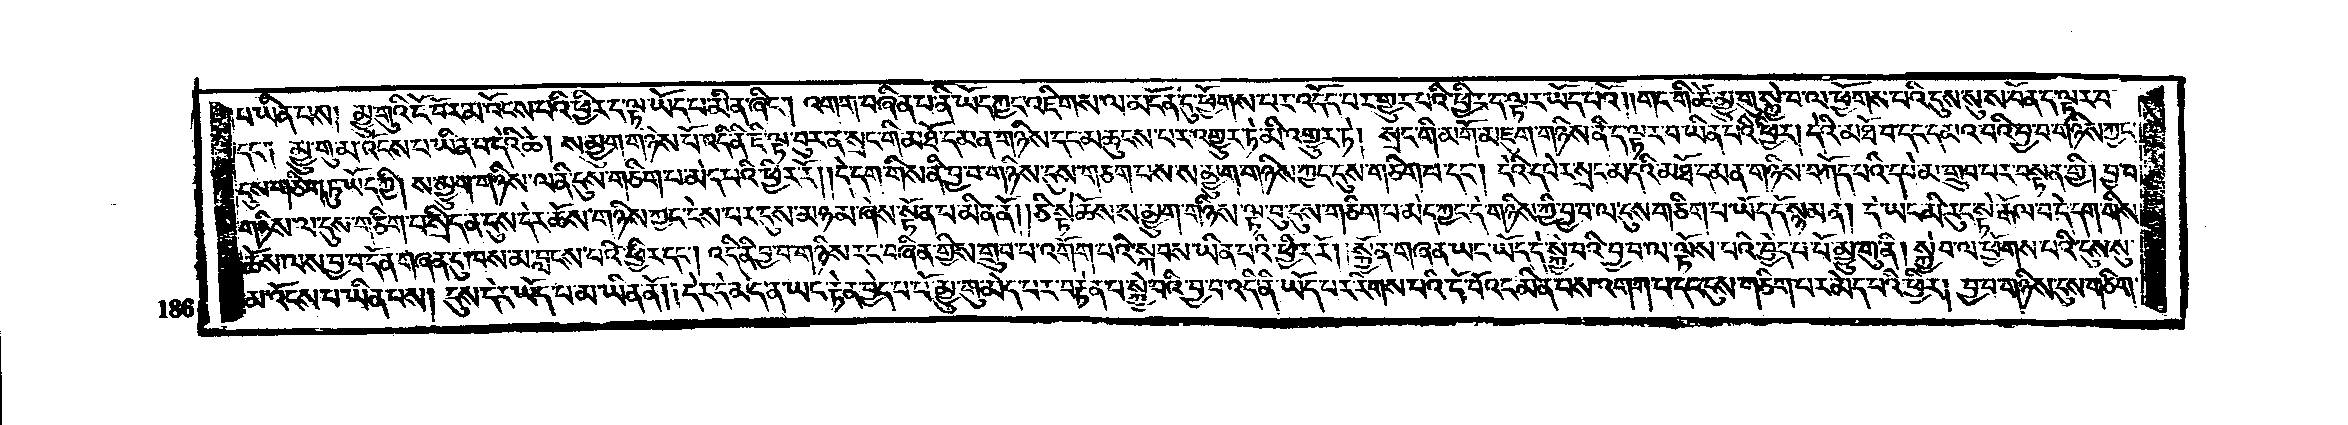པ་ཡིན་པས། མྱུ་གུའི་ངོ་བོར་མ་འོངས་པའི་ཕྱིར་ད་ལྟ་ཡོད་པ་མིན་ཞིང་། འགག་བཞིན་པ་ནི་ཡོད་ཀྱང་འཇིགས་ལ་མངོན་དུ་ཕྱོགས་པར་འདོད་པར་གྱུར་པའི་ཕྱིར་ད་ལྟར་ཡོད་པའོ། །གང་གི་ཚེ་མྱུ་གུ་སྐྱེ་བ་ལ་ཕྱོགས་པའི་དུས་སུ་ས་བོན་ད་ལྟར་བ་
དང་། མྱུ་གུ་མ་འོངས་པ་ཡིན་པ་དེའི་ཚེ། ས་མྱུག་གཉིས་པོ་འདི་ནི་ཇི་ལྟ་བུར་ན་སྲང་གི་མཐོ་དམན་གཉིས་དང་མཚུངས་པར་འགྱུར་ཏེ་མི་འགྱུར་ཏེ། སྲང་གི་མགོ་མཇུག་གཉིས་ནི་ད་ལྟར་བ་ཡིན་པའི་ཕྱིར། དེའི་མཐོ་བ་དང་དམའ་བའི་བྱ་བ་གཉིས་ཀྱང་
དུས་གཅིག་ཏུ་ཡོད་ཀྱི། ས་མྱུག་གཉིས་ལ་ནི་དུས་གཅིག་པ་མེད་པའི་ཕྱིར་རོ། །དེ་དག་གིས་ནི་བྱ་བ་གཉིས་དུས་གཅིག་པས་ས་མྱུག་གཉིས་ཀྱང་དུས་གཅིག་པ་དང་། དེའི་དཔེར་སྲང་མདའི་མཐོ་དམན་གཉིས་བཀོད་པའི་དཔེ་མ་གྲུབ་པར་བསྟན་གྱི། བྱ་བ་
གཉིས་ལ་དུས་གཅིག་པ་སྲིད་ན་དུས་དེར་ཆོས་གཉིས་ཀྱང་ངེས་པར་དུས་མཉམ་ཞེས་སྟོན་པ་མིན་ནོ། །ཅི་སྟེ་ཆོས་ས་མྱུག་གཉིས་ལྟ་བུ་དུས་གཅིག་པ་མེད་ཀྱང་དེ་གཉིས་ཀྱི་བྱ་བ་ལ་དུས་གཅིག་པ་ཡོད་དོ་སྙམ་ན། དེ་ཡང་མི་རུང་སྟེ་རྒོལ་བ་དེ་དག་གིས་
ཆོས་ལས་བྱ་བ་དོན་གཞན་དུ་ཁས་མ་བླངས་པའི་ཕྱིར་དང་། འདི་ནི་བྱ་བ་གཉིས་རང་བཞིན་གྱིས་གྲུབ་པ་འགོག་པའི་སྐབས་ཡིན་པའི་ཕྱིར་རོ། །སྐྱོན་གཞན་ཡང་ཡོད་དེ་སྐྱེ་བའི་བྱ་བ་ལ་ལྟོས་པའི་བྱེད་པ་པོ་མྱུ་གུ་ནི། སྐྱེ་བ་ལ་ཕྱོགས་པའི་དུས་སུ་
མ་འོངས་པ་ཡིན་པས། དུས་དེར་ཡོད་པ་མ་ཡིན་ནོ། །དེར་དེ་མེད་ན་ཡང་རྟེན་བྱེད་པ་པོ་མྱུ་གུ་མེད་པར་བརྟེན་པ་སྐྱེ་བའི་བྱ་བ་འདི་ནི་ཡོད་པར་རིགས་པའི་ངོ་བོའང་མིན་པས་འགག་པ་དང་དུས་གཅིག་པར་མེད་པའི་ཕྱིར། བྱ་བ་གཉིས་དུས་གཅིག་